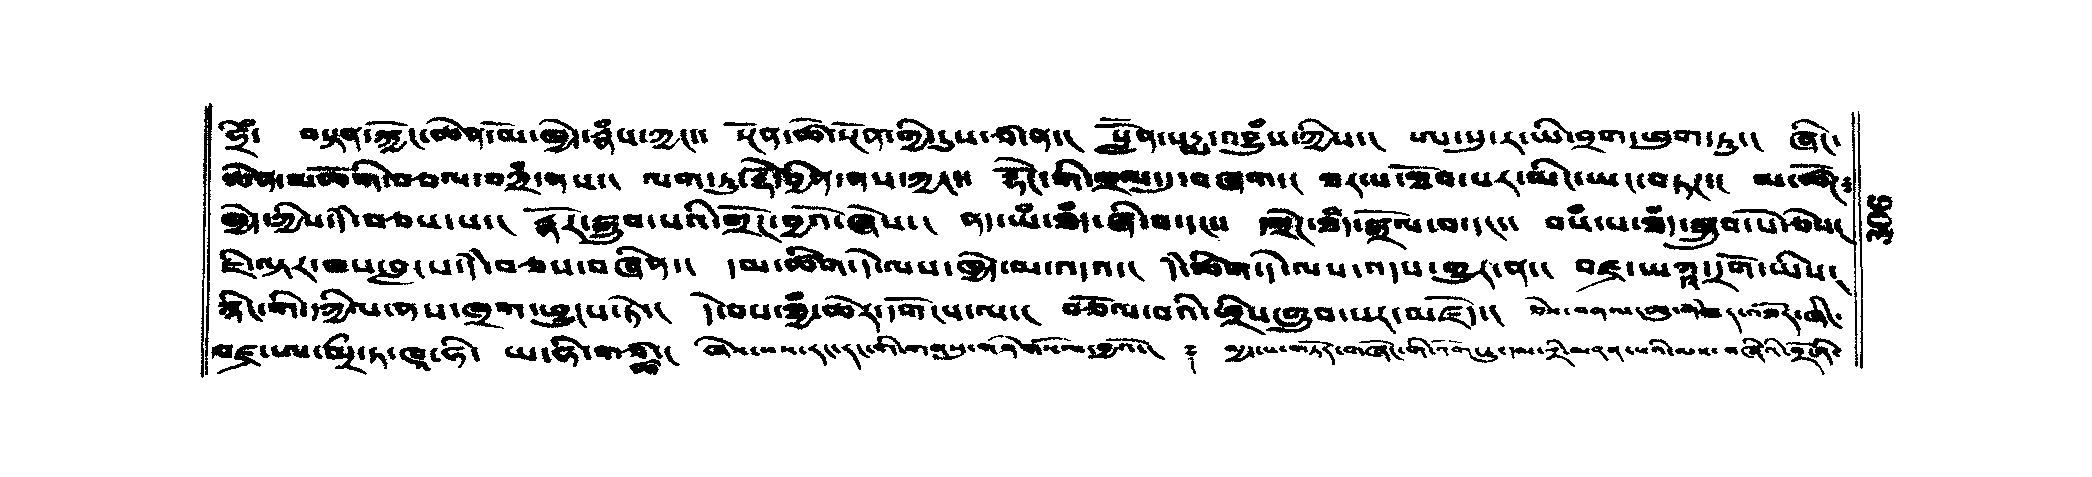ཧྲིཾ། བསྟན་སྐྱོང་ཆེན་མོ་ཁྱེད་རྣམས་ཀྱང་། །སྔོན་ཚེ་སྔོན་གྱི་དུས་ཙ་ན། །སློབ་དཔོན་པདྨ་འབྱུང་གནས་ཀྱིས། །ཨ་སུ་ར་ཡི་བྲག་ཕུག་ཏུ། །ཞིང་
ཆེན་མཆོག་གི་བཅལ་བཀྲམ་ནས། །ལག་ཏུ་རྡོ་རྗེ་བྱིན་ནས་ཀྱང་། །རྡོ་རྗེ་འཆང་གི་གྲལ་དུ་བཞག་།ཐར་པ་ཐོབ་པར་མིང་ཡང་བཏགས། །མ་ཚོགས་
ཁྱེད་ཀྱིས་དམ་བཅས་པ། །རྣལ་འབྱོར་སྒྲུབ་པའི་གྲོགས་བྱའོ་ཞེས། །ནད་ཡཾ་ཐམས་ཅད་ཞི་བ་དང་། །དགྲ་བགེགས་ཐམས་ཅད་སྒྲོལ་བ་དང་། །བསམ་པ་ཐམས་ཅད་སྒྲུབ་པོ་ཅེས། །
ཇི་ལྟར་ཁས་བླངས་དམ་བཅས་བཞིན། །དམ་ཚིག་དེ་ལས་ཁྱེད་མ་འདའ། །དམ་ཚིག་དེ་ལས་འདས་གྱུར་ན། །བཛྲ་ཡཀྴ་དྲག་པོ་ཡིས། །
སྙིང་གི་དཀྱིལ་ནས་ཁྲག་ཕྱུངས་ཏེ། །དེ་བས་ཐུགས་དམ་ཆེར་དགོངས་ལ། །བཅོལ་བའི་ཕྲིན་ལས་གྲུབ་པར་མཛད། །ཅེས་བཤལ་ཆུ་ནམ་མཁར་འཐོར་ཞིང་།
བཛྲ་ཨ་མྲྀ་ཏ་ཁཱ་ཧི། ཡ་ཧི་གཙྪ། ཞེས་པས་རང་རང་གི་གནས་སུ་བཤེགས་གསོལ་བྱའོ། ༈ བརྒྱད་པ་གཏོར་གཞོང་གི་འོག་ཏུ་དམ་སྲི་མནན་པའི་ལས་བཞིའི་བྲོ་ནི།